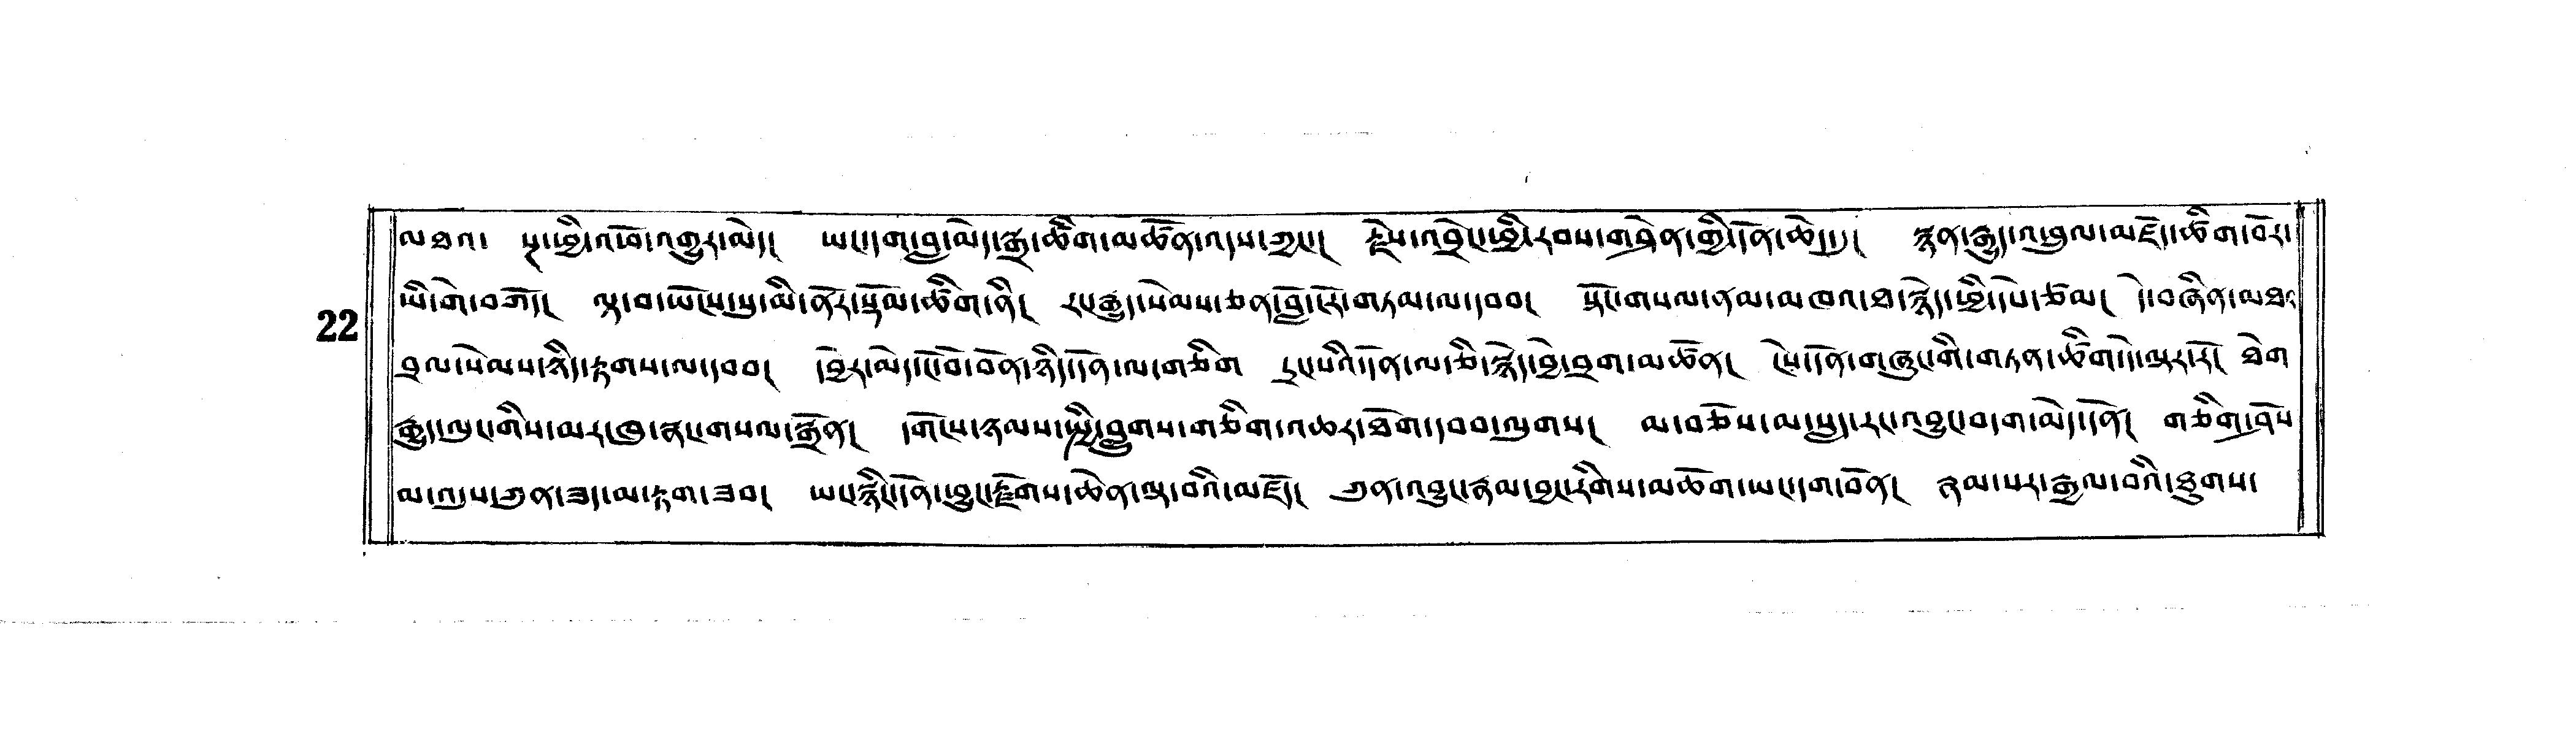མཐའ། སྔ་ཕྱི་འཕོ་འགྱུར་མེད། ཡང་དག་བླ་མེད་སྒྲ་ཚིག་མཚོན་འདས་ཀྱང་། རྗེས་འབྲེང་ཕྱི་རབས་གཤེན་གྱི་དོན་ཆེད་དུ། སྙན་རྒྱུད་འཕྲུལ་མཛོད་ཚིག་བོར་
ཡི་གེ་བཀོད། ལྟ་བ་ཡོངས་སུ་མི་ནོར་སྡོམ་ཚིག་ནི། རང་རྒྱུད་སེམས་ཅན་བློ་ངོར་གཏན་ལ་དབབ། སྟོང་གསལ་ནམ་མཁའ་ཐ་སྙད་ཕྱི་དཔེ་ཙམ། དེ་བཞིན་མཐའ་
བྲལ་སེམས་ཉིད་རྟགས་ལ་དབབ། དབྱཻར་མེད་ངོ་བོ་བོན་ཉིད་དོན་ལ་གཅིག དྲང་བའི་དོན་ལ་ཅི་སྙེད་བྱེ་བྲག་མཚོན། ངེས་དོན་གཞུང་གི་གཏན་ཚིག་དེ་ལྟར་རོ། ཐེག་
རྒྱུད་ལུང་གི་མར་ཁུ་སྣང་གསལ་སྒྲོན། དགོངས་ཉམས་སྤྱི་བླུགས་གཅིག་ཆར་ཐོག་དབབ་ལུགས། མ་བཅོས་མ་བསླད་རང་འབྱུང་བདག་མེད་དོན། གཅིག་ཤོས་
མ་འདུས་ཀུན་ཟད་མ་བརྟག་ཟབ། ཡང་སྙིང་དོན་ཕྱུང་རྫོགས་ཆེན་ལྟ་བའི་མཛོད། ཀུན་འབྱུང་རྣམ་བྱང་རིགས་མཆོག་ཡང་དག་བོན། རྣམ་པར་རྒྱལ་བའི་ཐུགས་